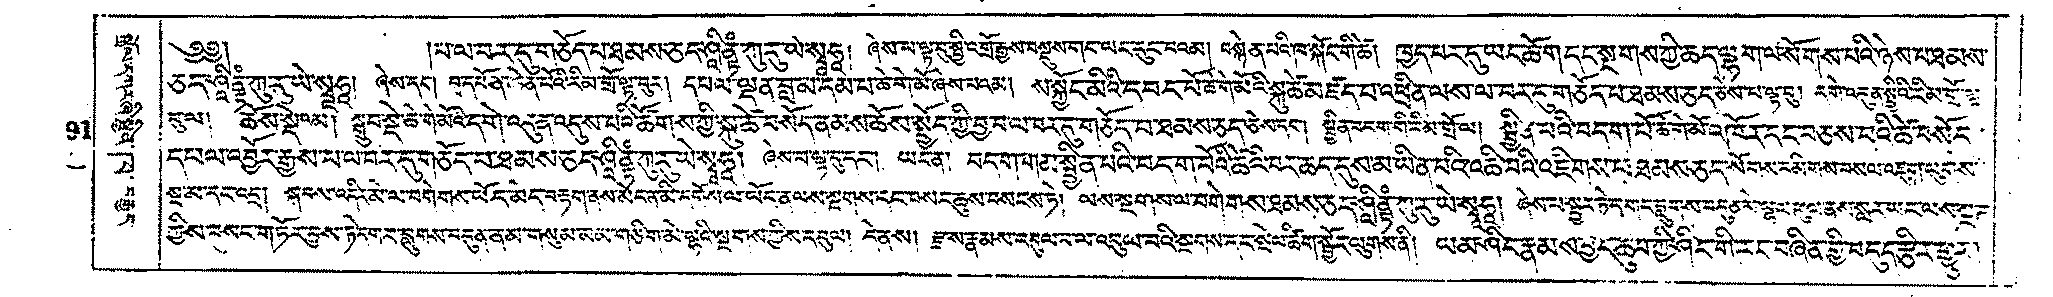༄༅། །པ་ལ་བར་དུ་གཅོད་པ་ཐམས་ཅད་ཤཱིནྟཾ་ཀུ་རུ་ཡེ་སྭཱཧཱ། ཞེས་པ་ལྟ་བུ་སྤྱི་འགྲོ་རྒྱས་བསྡུས་གང་ཡང་རུང་བའམ། བསྙེན་པའི་ཁ་སྐོང་གི་ཚེ།  ཁྱད་པར་དུ་ཡང་ཆོ་ག་དང་སྔགས་ཀྱི་ཆད་ལྷག་ལ་སོགས་པའི་ཉེས་པ་ཐམས་
ཅད་ཤཱིནྟཾ་ཀུ་རུ་ཡེ་སྭཱཧཱ། ཞེས་དང་། བླ་དཔོན་ཆེན་པོའི་རིམ་གྲོ་ལྟ་བུར།  དཔལ་ལྡན་བླ་མ་དམ་པ་ཆེ་གེ་མོ་ཞེས་པའམ།  ས་སྐྱོང་མིའི་དབང་པོ་ཆེ་གེ་མོའི་སྐུ་ཚེ་མཛད་པ་འཕྲིན་ལས་ལ་བར་དུ་གཅོད་པ་ཐམས་ཅད་ཅེས་པ་ལྟ་བུ། དགེ་འདུན་སྤྱིའི་རིམ་གྲོ་ལྟ་
བུ་ལ། ཆོས་སྡེའམ། སྒྲུབ་བ་སྡེ་ཆེ་གེ་མོའི་དགེ་འདུན་འདུས་པའི་ཚོགས་ཀྱི་སྐུ་ཚེ་བསོད་ནམས་ཆོས་སྤྱོད་ཀྱི་བྱ་བ་ལ་བར་དུ་གཅོད་པ་ཐམས་ཅད་ཅེས་དང་། སྦྱིན་བདག་གི་རིམ་གྲོལ།  སྦྱིན་པའི་བདག་པོ་ཆེ་གེ་མོ་འཁོར་དན་བཅས་བའི་ཚེ་བསོད་་་
དཔལ་འབྱོར་རྒྱས་པ་ལ་བར་དུ་གཅོད་པ་ཐམས་ཅད་ཤཱིནྟཾ་ཀུ་རུ་ཡེ་སྭཱཧཱ། ཞེས་པ་ལྟ་བུ་དང་། ཡང་ན།  བདག་གམ་སྦྱིན་པའི་བདག་པོའི་ཚེའི་བར་ཆད་དུས་མ་ཡིན་པའི་འཆི་བའི་འཇིགས་པ་ཐམས་ཅད་སོགས་དམིགས་བསལ་འཇུག་ལུགས་་་
སྔ་མ་དང་འདྲ། སྐབས་འདིར་མེ་ལ་བགེགས་ཡོད་མེད་བརྟག་ནས་མེད་ན་མི་དགོས་ལ་ཡོད་ན་ལས་སྔགས་དང་བསང་ཆུས་བསངས་ཏེ། ལས་སྔགས་ལ་བགེགས་ཐམས་ཅད་ཤཱིནྟཾ་ཀུ་རུ་ཡེ་སྭཱཧཱ། ཞེས་པ་སྦྱར་ཏེ་དགང་བླུགས་བདུན་མེ་ལྷ་ལ་ཕུལ་ནས་སླར་ཡང་ལས་སྔཌ་
ཀྱིས་བསང་གཏོར་བྱས་ཏེ་དགང་བླུགས་བདུན་ནམ་གསུམ་མམ་གཅིག་མེ་ལྷའི་སྔགས་ཀྱིས་དབུལ། དེ་ནས། རྫས་རྣམས་འབུལ་བ་ལ་འབུལ་བའི་སྔགས་དང་སྤེལ་ཚིག་སྦྱོར་ལུགས་ནི། ཡམ་ཤིང་རྣམས་བྱང་ཆུབ་ཀྱི་ཤིང་གི་རང་བཞིན་གྱི་བདུད་རྩིར་གྱུར།